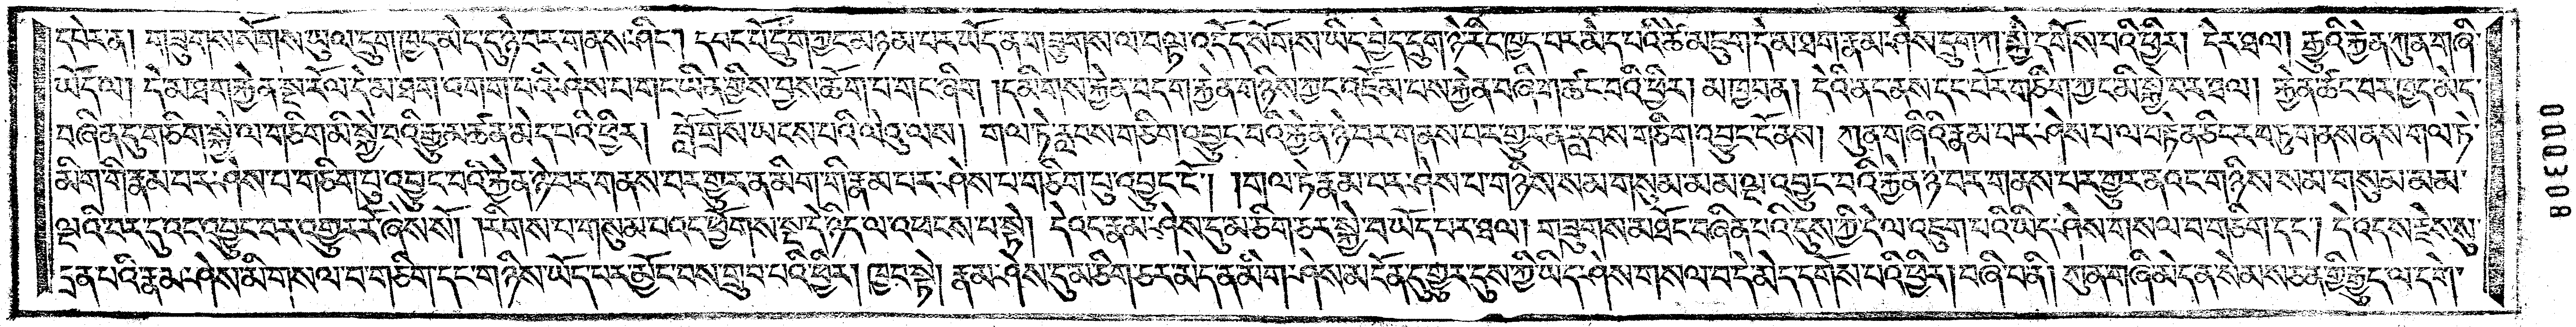དཔེར་ན། གཟུགས་སོགས་ཡུལ་དྲུག་ཁྱད་མེད་དུ་ཉེ་བར་གནས་ཤིང་། དབང་པོ་དྲུག་ཀྱང་མཉམ་པར་ཡོད་ན་གཟུགས་ལ་བལྟ་འདོད་སོགས་ཡིད་བྱེད་དྲུག་ཉེ་རིང་ཁྱད་པར་མེད་པའི་ཚེ་མཇུག་དེ་མ་ཐག་རྣམ་ཤེས་དྲུག་ཀ་སྐྱེ་དགོས་པའི་ཕྱིར། དེར་ཐལ། རྒྱུའི་རྐྱེན་ཀུན་གཞི་
ཡོད་ལ། དེ་མ་ཐག་རྐྱེན་སྔ་རོལ་དེ་མ་ཐག་འགག་པའི་ཤེས་པ་གང་ཡིན་གྱིས་བྱས་ཆོག་པ་གང་ཞིག །དམིགས་རྐྱེན་བདག་རྐྱེན་གཉིས་ཀྱང་འཛོམ་པས་རྐྱེན་བ་ཞིག་ཚང་བའི་ཕྱིར། མ་ཁྱབ་ན། དེའི་ནང་ནས་དང་པོར་གཅིག་ཀྱང་མི་སྐྱེ་བར་ཐལ། རྐྱེན་ཚང་བར་ཁྱད་མེད་
བཞིན་དུ་གཅིག་སྐྱེ་ལ་གཅིག་མི་སྐྱེ་བའི་རྒྱུ་མཚན་མེད་པའི་ཕྱིར། བློ་གྲོས་ཡང་སའི་ལེའུ་ལས། གལ་ཏེ་རླབས་གཅིག་འབྱུང་བའི་རྐྱེན་ཉེ་བར་གནས་པར་གྱུར་ན་རླབས་གཅིག་འབྱུང་ངོ་ནས། ཀུན་གཞིའི་རྣམ་པར་ཤེས་པ་ལ་བརྟེན་ཅིང་རབ་ཏུ་གནས་ནས་གལ་ཏེ་
མིག་གི་རྣམ་པར་ཤེས་པ་གཅིག་བུ་འབྱུང་བའི་རྐྱེན་ཉེ་བར་གནས་པར་གྱུར་ན་མིག་གི་རྣམ་པར་ཤེས་པ་གཅིག་པུ་འབྱུང་ངོ། །གལ་ཏེ་རྣམ་པར་ཤེས་པ་གཉིས་སམ་གསུམ་མམ་ལྔ་འབྱུང་པའི་རྐྱེན་ཉེ་བར་གནས་པར་གྱུར་ནའང་གཉིས་སམ་གསུམ་མམ་
ལྔའི་བར་དུའང་འབྱུང་བར་འགྱུར་རོ་ཞེས་སོ། །རིགས་པ་གསུམ་པའང་ཕྱོགས་སྔ་དེ་ཉིད་ལ་འཕངས་པ་སྟེ། དེའང་རྣམ་ཤེས་དུ་མ་ཅིག་ཅར་སྐྱེ་བར་ཡོད་པར་ཐལ། གཟུགས་མཐོང་བཞིན་པའི་དུས་ཀྱི་དེ་ལ་འཇུག་པའི་ཡིད་ཤེས་གསལ་བ་གཅིག་དང་། དེ་འདུས་རྗེས་སུ་
དྲན་པའི་རྣམ་ཤེས་མི་གསལ་བ་གཅིག་དང་གཉིས་ཡོད་པར་མྱོང་བས་གྲུབ་པའི་ཕྱིར། ཁྱབ་སྟེ། རྣམ་ཤེས་དུ་མ་ཅིག་ཅར་མེད་ན་མིག་ཤེས་མངོན་དུ་གྱུར་དུས་ཀྱི་ཡིད་ཤེས་གསལ་བ་དེ་མེད་དགོས་པའི་ཕྱིར། བཞི་བ་ནི། ཀུན་གཞི་མེད་ན་སེམས་ཅན་གྱི་རྒྱུད་ལ་དགེ་